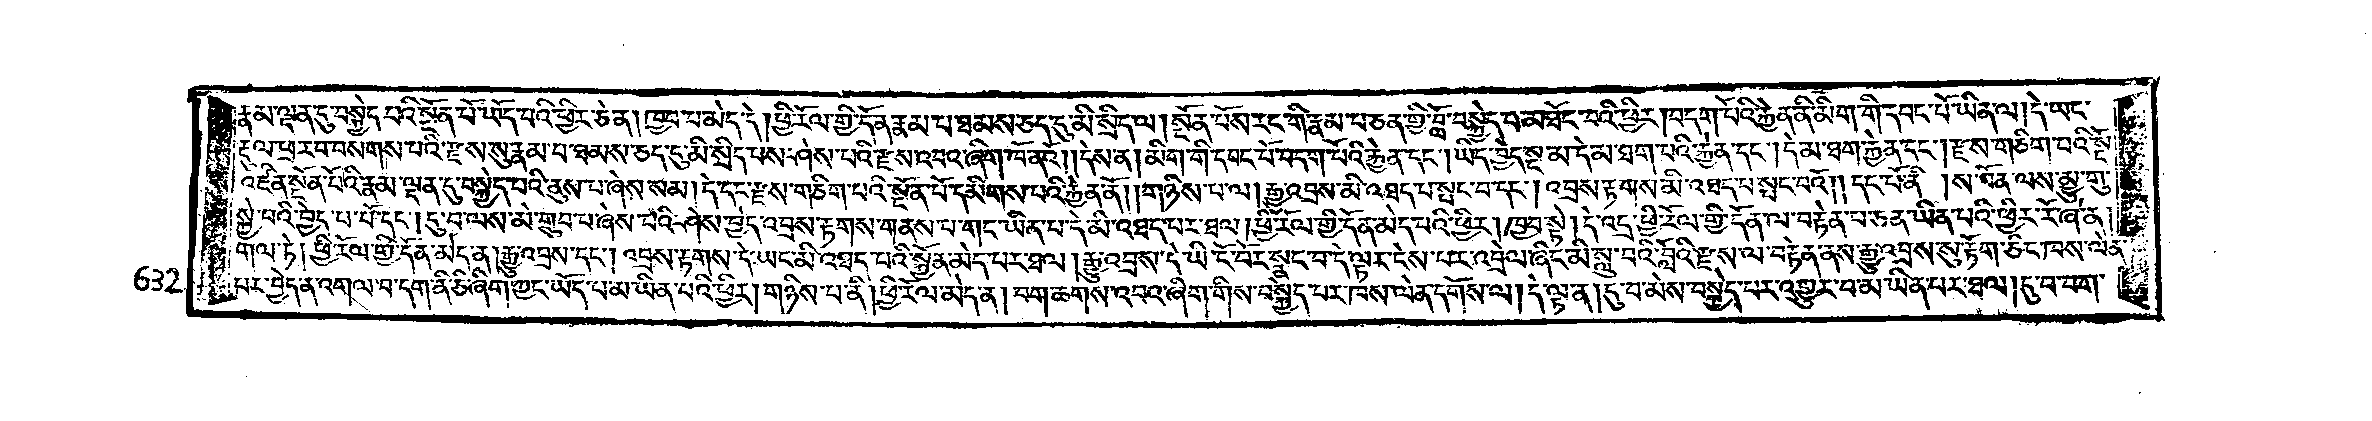རྣམ་ལྡན་དུ་བསྐྱེད་པའི་སྔོན་པོ་ཡོད་པའི་ཕྱིར་ཅེ་ན། ཁྱབ་པ་མེད་དེ། ཕྱི་རོལ་གྱི་དོན་རྣམ་པ་ཐམས་ཅད་དུ་མི་སྲིད་ལ། སྔོན་པོས་རང་གི་རྣམ་པ་ཅན་གྱི་བློ་བསྐྱེད་པ་མཐོང་བའི་ཕྱིར། བདག་པོའི་རྐྱེན་ནི་མིག་གེ་དབང་པོ་ཡིན་ལ། དེ་ཡང་
རྡུལ་ཕྲ་རབ་བསགས་པའི་རྫས་སུ་རྣམ་པ་ཐམས་ཅད་དུ་མི་སྲིད་པས་ཤེས་པའི་རྫས་འབའ་ཞིག་ཁོ་ནའོ། །དེས་ན། མིག་གི་དབང་པོ་བདག་པོའི་རྐྱེན་དང་། ཡིད་བྱེད་སྔ་མ་དེ་མ་ཐག་པའི་རྐྱེན་དང་། དེ་མ་ཐག་རྐྱེན་དང་། རྫས་གཅིག་པའི་སྔོ་
འཛིན་སྔོན་པོའི་རྣམ་ལྡན་དུ་བསྐྱེད་པའི་ནུས་པ་ཞེས་སམ། དེ་དང་རྫས་གཅིག་པའི་སྔོན་པོ་དམིགས་པའི་རྐྱེན་ནོ། །གཉིས་པ་ལ། རྒྱུ་འབྲས་མི་འཐད་པ་སྤང་བ་དང་། འབྲས་རྟགས་མི་འཐད་པ་སྤང་བའོ། །དང་པོ་ནི། ས་པོན་ལས་མྱུ་གུ་
སྐྱེ་བའི་བྱེད་པ་པོ་དང་། དུ་བ་ལས་མེ་གྲུབ་པ་ཞེས་པའི་ཤེས་བྱེད་འབྲས་རྟགས་གནས་པ་གང་ཡིན་པ་དེ་མི་འཐད་པར་ཐལ། ཕྱི་རོལ་གྱི་དོན་མེད་པའི་ཕྱིར། ཁྱབ་སྟེ། དེ་འདྲ་ཕྱི་རོལ་གྱི་དོན་ལ་བརྟེན་པ་ཅན་ཡིན་པའི་ཕྱིར་རོ་ཞེ་ན།
གལ་ཏེ། ཕྱི་རོལ་གྱི་དོན་མེད་ན། རྒྱུ་འབྲས་དང་། འབྲས་རྟགས་དེ་ཡང་མི་འཐད་པའི་སྐྱོན་མེད་པར་ཐལ། རྒྱུ་འབྲས་དེ་ཡི་ངོ་བོར་སྣང་བ་དེ་ལྟར་ངེས་པར་འབྲེལ་ཞིང་མི་སླུ་བའི་བློའི་རྫས་ལ་བརྟེན་ནས་རྒྱུ་འབྲས་བུ་རྟོག་ཅིང་ཁས་ལེན་
པར་བྱེད་ན་འགལ་བ་དག་ནི་ཅི་ཞིག་ཀྱང་ཡོད་པ་མ་ཡིན་པའི་ཕྱིར། གཉིས་པ་ནི། ཕྱི་རོལ་མེད་ན། བག་ཆགས་འབའ་ཞིག་གིས་བསྐྱེད་པར་ཁས་ལེན་དགོས་ལ། དེ་ལྟ་ན། དུ་བ་མེས་བསྐྱེད་པར་འགྱུར་བ་མ་ཡིན་པར་ཐལ། དུ་བ་བག་